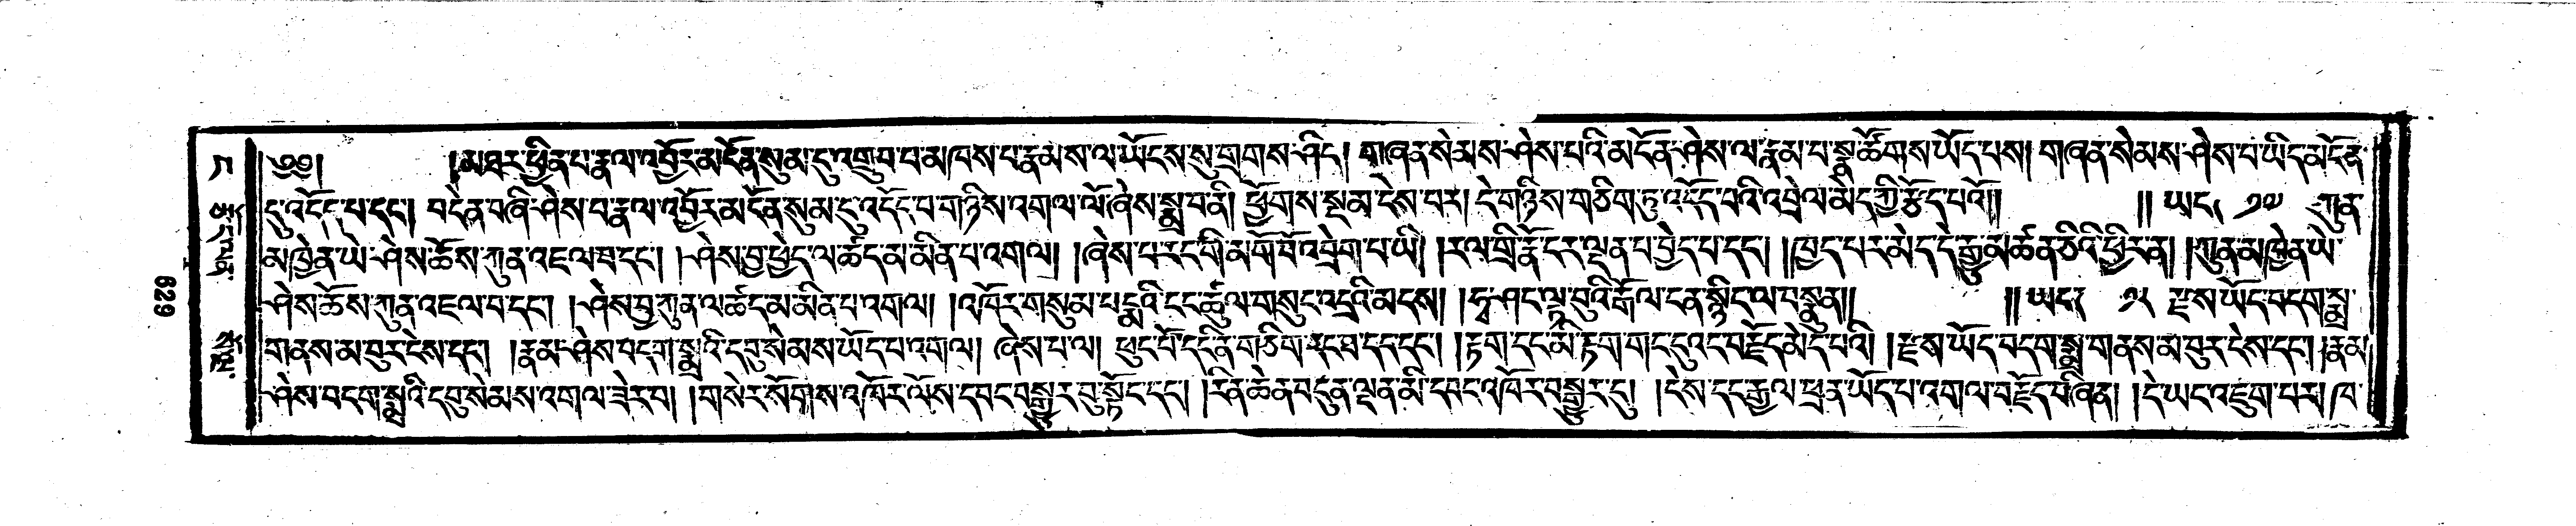༄༅། །མཐར་ཕྱིན་པ་རྣལ་འབྱོར་མངོན་སུམ་དུ་འགྲུབ་པ་མཁས་པ་རྣམས་ལ་ཡོངས་སུ་གྲགས་ཤིང་། གཞན་སེམས་ཤེས་པའི་མངོན་ཤེས་ལ་རྣམ་པ་སྣ་ཚོགས་ཡོད་པས། གཞན་སེམས་ཤེས་པ་ཡིད་མངོན་
དུ་འདོད་པ་དང་། བདེན་བཞི་ཤེས་པ་རྣལ་འབྱོར་མངོན་སུམ་དུ་འདོད་པ་གཉིས་འགལ་ལོ་ཞེས་སྨྲ་བ་ནི། ཕྱོགས་སྔ་མ་ངེས་པར། དེ་གཉིས་གཅིག་ཏུ་འདོད་པའི་འབྲེལ་མེད་ཀྱི་རྩོད་པའོ།། །།ཡང༑ ༡༧་ཀུན་
མཁྱེན་ཡེ་ཤེས་ཆོས་ཀུན་འཇལ་བ་དང་། །ཤེས་བྱ་ཕྱེད་ལ་ཚད་མ་མིན་པ་འགལ། །ཞེས་པ་རང་གི་མགོ་བོ་འབྲེག་པ་ཡི། །རལ་གྲི་རྣོ་ངར་ལྡན་པ་བྱེད་པ་དང་། །ཁྱད་པར་མེད་དེ་རྒྱུ་མཚན་ཅིའི་ཕྱིར་ན། །ཀུན་མཁྱེན་ཡེ་
ཤེས་ཆོས་ཀུན་འཇལ་བ་དང་། །ཤེས་བྱ་ཀུན་ལ་ཚད་མ་མིན་པ་འགལ། །འཁོར་གསུམ་པདམའི་ངང་ཚུལ་གསུང་འདྲའི་མངས། །ཧྭ་ཤང་ལྟ་བུའི་རྒོལ་ངན་སྙིང་ལ་བསྣུན།། །།ཡང༑ ༡༨་རྫས་ཡོད་བདག་སྨྲ་
གནས་མ་བུར་ངེས་དང་། །རྣམ་ཤེས་བདག་སྨྲའི་དབུ་སེམས་ཡོད་པ་འགལ། ཞེས་པ་ལ། ཕུང་པོ་དང་ནི་གཅིག་དང་ཐ་དད་དང་། །རྟག་དང་མི་རྟག་གང་དུའང་བརྗོད་མེད་པའི། །རྫས་ཡོད་བདག་སྨྲ་གནས་མ་བུར་ངེས་དང་། །རྣམ་
ཤེས་བདག་སྨྲའི་དབུ་སེམས་འགལ་ཟེར་བ། །གསེར་སོགས་འཁོར་ལོས་དབང་བསྒྱུར་བུ་སྟོང་དང་། །རིན་ཆེན་བདུན་ལྡན་མི་དབང་འཁོར་བསྒྱུར་དུ། །ངེས་དང་རྒྱལ་ཕྲན་ཡོད་པ་འགལ་བརྗོད་བཞིན། །དེ་ཡང་འཇུག་པར། ཁ་